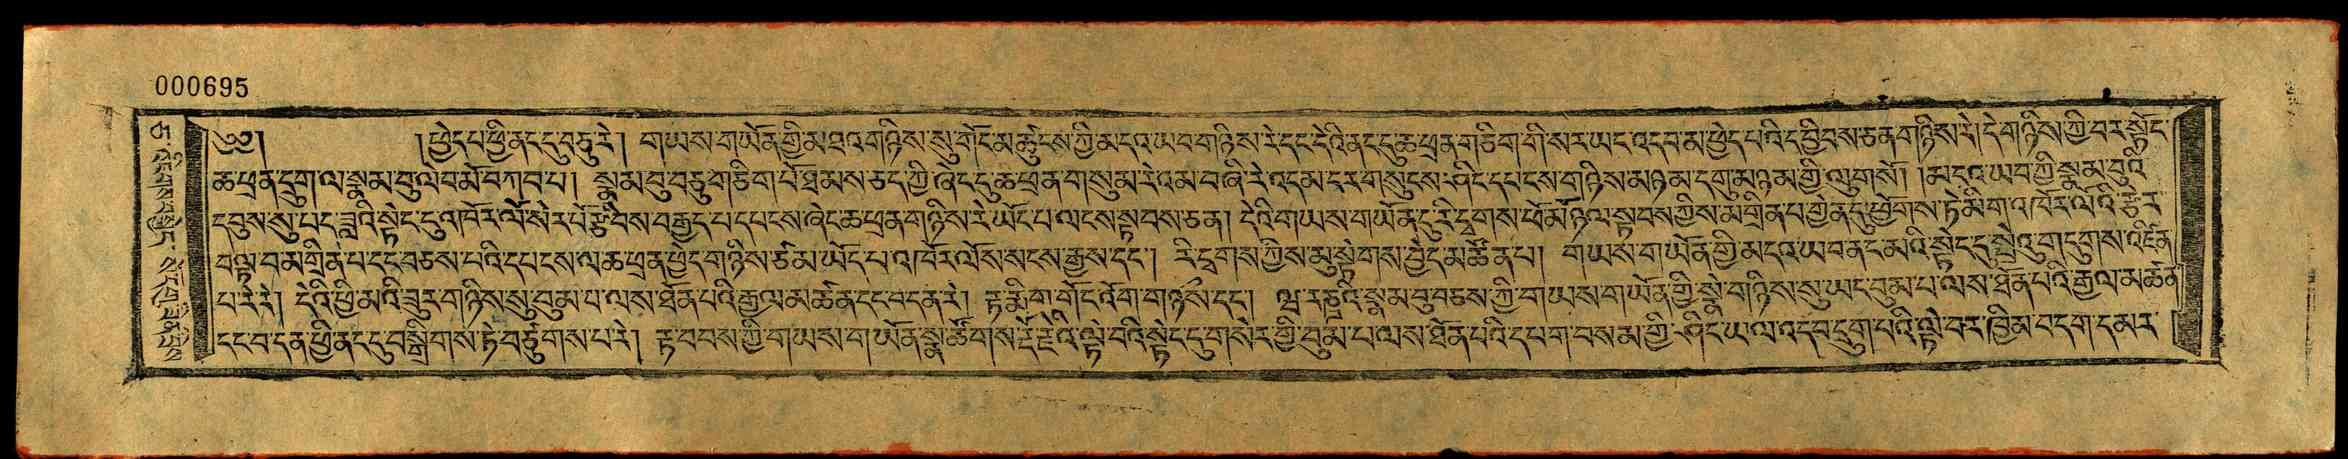༄༅། །ཕྱེད་པ་ཕྱི་ནང་དུ་བཅུ་རེ། གཡས་གཡོན་གྱི་མཐའ་གཉིས་སུ་གོང་མཚུངས་ཀྱི་མདའ་ཡབ་གཉིས་རེ་དང་དེའི་ནང་དུ་ཆ་ཕྲན་གཅིག་གི་སར་ཡང་འདབ་མ་ཕྱེད་པའི་དབྱིབས་ཅན་གཉིས་རེ། དེ་གཉིས་ཀྱི་བར་སྟོང་
ཆ་ཕྲན་དྲུག་ལ་སྣམ་བུ་ལེབ་མོ་བཀབ་པ། སྣམ་བུ་བཅུ་གཅིག་པོ་ཐམས་ཅད་ཀྱི་ཞེང་དུ་ཆ་ཕྲན་གསུམ་རེའམ་བཞི་རེ་འདམ་ངར་གསུངས་ཤིང་དཔངས་གཉིས་མཉམ་དགུ་མཉམ་གྱི་ལུགས་སོ། །མདའ་ཡབ་ཀྱི་སྣམ་བུའི་
དབུས་སུ་པད་ཟླའི་སྟེང་དུ་འཁོར་ལོ་སེར་པོ་རྩིབས་བརྒྱད་པ་དཔངས་ཞེང་ཆ་ཕྲན་གཉིས་རེ་ཡོད་པ་ལངས་སྟབས་ཅན། དེའི་གཡས་གཡོན་དུ་རི་དྭགས་ཕོ་མོ་ཉལ་སྟབས་ཀྱིས་མགྲིན་པ་གྱེན་དུ་ཕྱོགས་ཏེ་མིག་འཁོར་ལོའི་རྩེར་
བལྟ་བ་མགྲིན་པ་དང་བཅས་པའི་དཔངས་ལ་ཆ་ཕྲན་ཕྱེད་གཉིས་ཙམ་ཡོད་པ་འཁོར་ལོས་སངས་རྒྱས་དང་། རི་དྭགས་ཀྱིས་མུ་སྟེགས་བྱེད་མཚོན་པ། གཡས་གཡོན་གྱི་མདའ་ཡབ་ནང་མའི་སྟེང་དུ་སྤྲེའུ་གདུགས་འཛིན་
པར་རེ། དེའི་ཕྱི་མའི་ཟུར་གཉིས་སུ་བུམ་པ་ལས་ཐོན་པའི་རྒྱལ་མཚན་དང་བ་དན་རེ། རྟ་རྨིག་གོང་འོག་གཉིས་དང་། ཝ་རཎྜའི་སྣམ་བུ་བཅས་ཀྱི་གཡས་གཡོན་གྱི་སྣེ་གཉིས་སུ་ཡང་བུམ་པ་ལས་ཐོན་པའི་རྒྱལ་མཚན་
དང་བ་དན་ཕྱི་ནང་དུ་བསྒྲིགས་ཏེ་བཅུགས་པ་རེ། རྟ་བབས་ཀྱི་གཡས་གཡོན་སྣ་ཚོགས་རྡོ་རྗེའི་ལྟེ་བའི་སྟེང་དུ་གསེར་གྱི་བུམ་པ་ལས་ཐོན་པའི་དཔག་བསམ་གྱི་ཤིང་ཡལ་འདབ་དྲུག་པའི་ལྟེ་བར་ཁྱིམ་བདག་དམར་